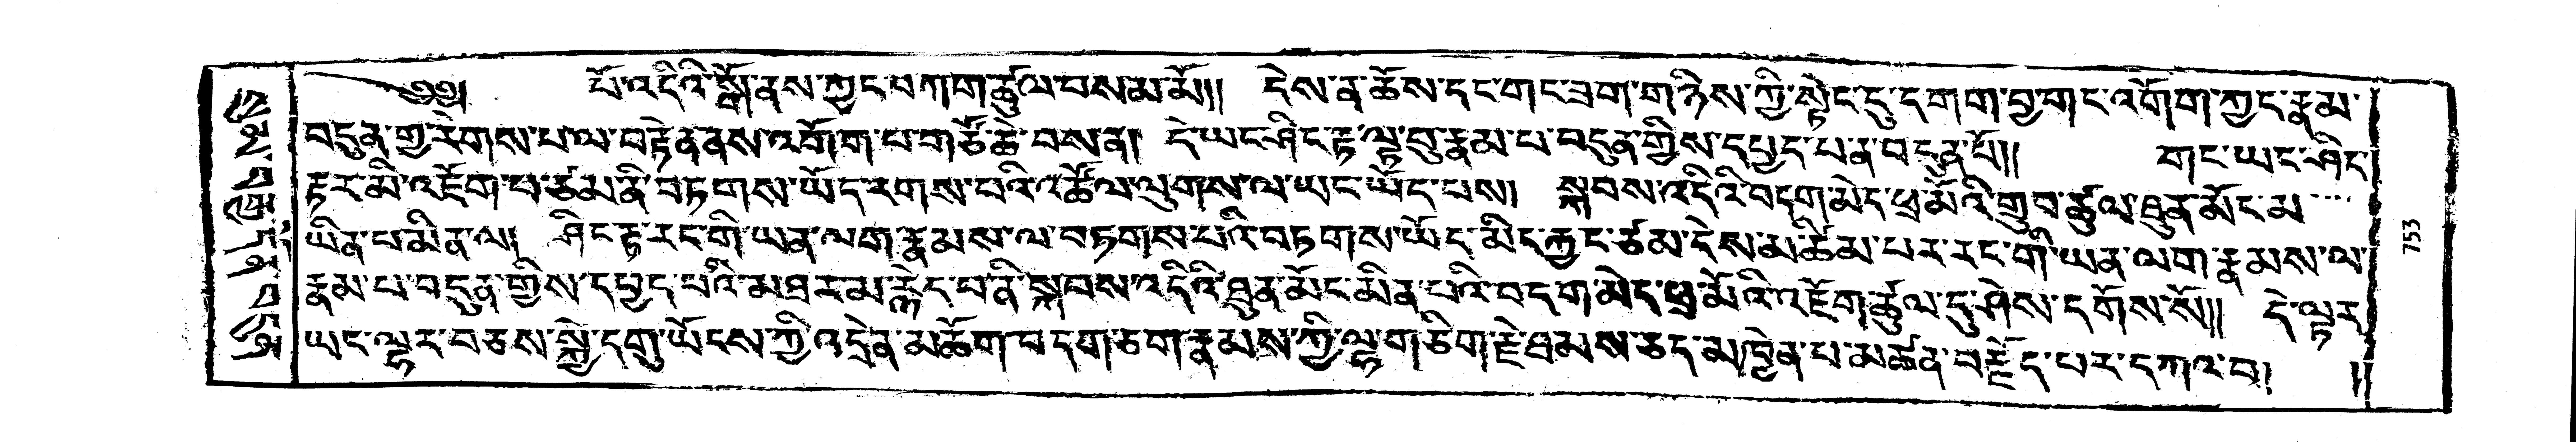༄༅། །པོ་འདིའི་སྒོ་ནས་ཀྱང་བཀག་ཚུལ་བསམ་མོ།། དེས་ན་ཆོས་དང་གང་ཟག་གཉིས་ཀྱི་སྟེང་དུ་དགག་བྱ་གང་འགོག་ཀྱང་རྣམ་
བདུན་གྱི་རིགས་པ་ལ་བརྟེན་ནས་འགོག་པ་གཙོ་ཆེ་བས་ན། དེ་ཡང་ཤིང་རྟ་ལྟ་བུ་རྣམ་པ་བདུན་གྱིས་དཔྱད་པ་ན་བདུན་པོ།། གང་ཡང་ཤིང་
རྟར་མི་འཇོག་པ་ཙམ་ནི་བཏགས་ཡོད་རགས་པའི་འཚོལ་ལུགས་ལ་ཡང་ཡོད་པས། སྐབས་འདིའི་བདག་མེད་ཕྲ་མོའི་གྲུབ་ཚུལ་ཐུན་མོང་མ་
ཡིན་པ་མིན་ལ། ཤིང་རྟ་རང་གི་ཡན་ལག་རྣམས་ལ་བཏགས་པའི་བཏགས་ཡོད་མིང་རྐྱང་ཙམ་དེས་མ་ཚིམ་པར་རང་གི་ཡན་ལག་རྣམས་ལ་
རྣམ་པ་བདུན་གྱིས་དཔྱད་པའི་མཐར་མ་རྙེད་པ་ནི་སྐབས་འདིའི་ཐུན་མོང་མིན་པའི་བདག་མེད་ཕྲ་མོའི་འཇོག་ཚུལ་དུ་ཤེས་དགོས་སོ།། དེ་ལྟར་
ཡང་ལྷར་བཅས་སྐྱེ་དགུ་ཡོངས་ཀྱི་འདྲེན་མཆོག་བདག་ཅག་རྣམས་ཀྱི་ལྷ་གཅིག་རྗེ་ཐམས་ཅད་མཁྱེན་པ་མཚན་བརྗོད་པར་དཀའ་བ། །